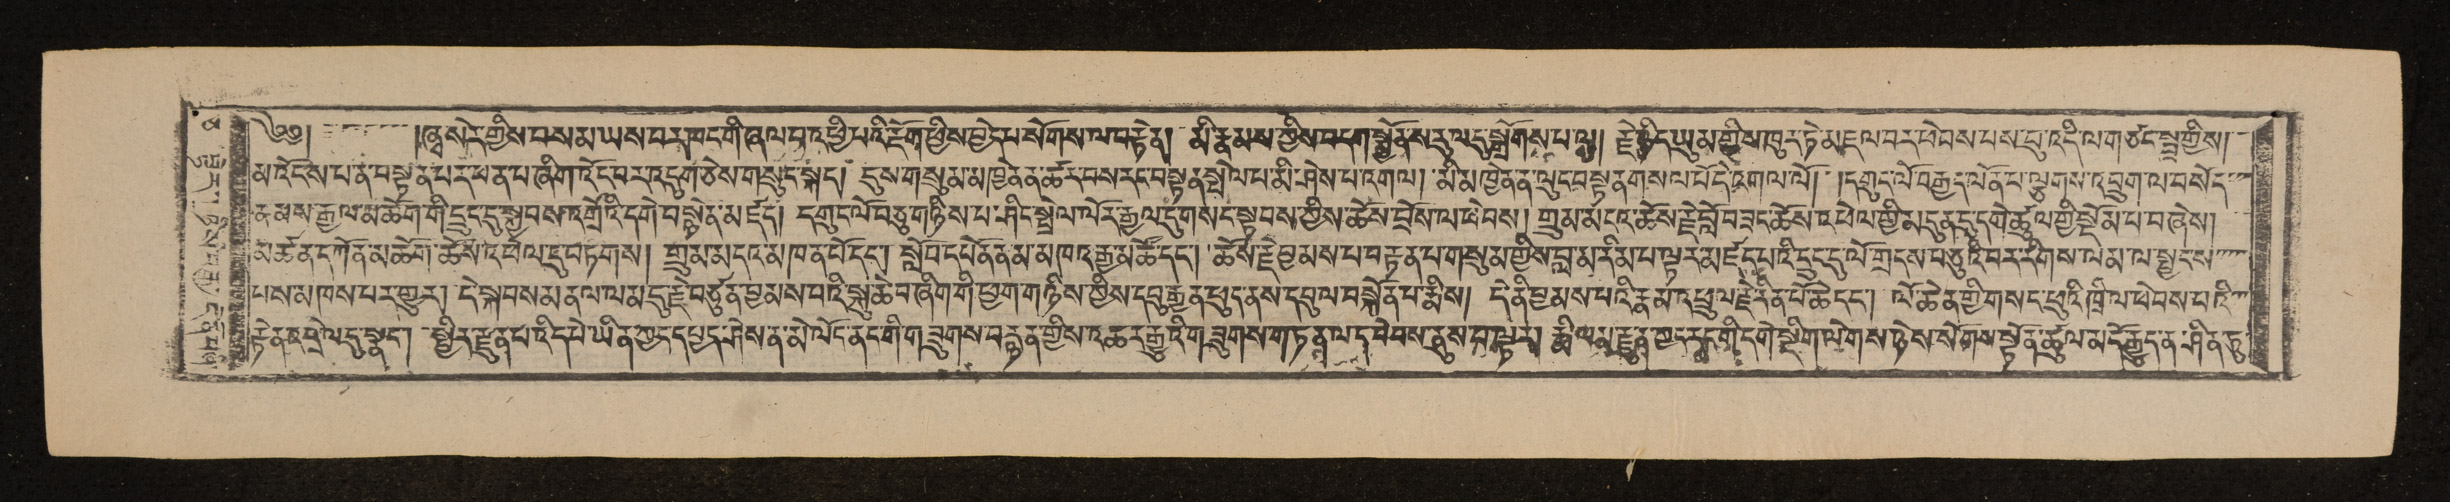༄༅། །ཞྭ་སེར་གྱིས་བསམ་ཡས་བར་ཁང་གི་ཞལ་བ་འཕྱི་པའི་རྡོག་ཕྱིས་བྱེད་པ་སོགས་ལ་བརྟེན། མི་རྣམས་ཀྱིས་བདག་སྨྱོན་ས་རུལ་དུ་སྒྲོགས་པ་ལ། རྗེ་ཉིད་ཡུམ་གྱིས་ཁུར་ཏེ་མཇལ་བར་ཕེབས་པས་བུ་འདི་ལ་གཙང་སྦྲ་གྱིས།
མ་འོངས་པ་ན་བསྟན་པར་ཕན་པ་ཞིག་འོང་བར་འདུག་ཅེས་གསུང་སྐད། དུས་གསུམ་མཁྱེན་ན་ཚར་བས་རང་བསྟན་སྤེལ་པ་མི་ཤེས་པ་འགལ། མི་མཁྱེན་ན་ལུང་བསྟན་གསལ་པོ་དེ་འགལ་ལོ། །དགུང་ལོ་བརྒྱད་ལོན་པ་ལྕགས་འབྲུག་ལ་བསོད་
ནམས་རྒྱལ་མཆོག་གི་དྲུང་དུ་སྐྱབས་འགྲོའི་དགེ་བསྙེན་མཛད། དགུང་ལོ་བཅུ་གཉིས་པ་ཤིང་སྤྲེལ་ལོར་རྒྱལ་དུ་གསང་སྟབས་ཀྱིས་ཆོས་བྲོས་ལ་ཕེབས། གྲུམ་མངའ་ཆོས་རྗེ་བློ་བཟང་ཆོས་འཕེལ་གྱི་མདུན་དུ་དགེ་ཚུལ་གྱི་སྡོམ་པ་བཞེས།
མཚན་དཀོན་མཆོག་ཆོས་འཕེལ་དུ་བཏགས། གྲུམ་མདའ་མཁན་པོ་དང་། སློབ་དཔོན་ནམ་མཁའ་རྒྱ་མཚོ་དང་། ཆོས་རྗེ་བྱམས་པ་བརྟན་པ་གསུམ་གྱིས་བླ་མ་རིམ་པ་ལྟར་མཛད་པའི་དྲུང་དུ་ལོ་གྲངས་བཅུའི་བར་རིགས་ལམ་ལ་སྦྱངས་
པས་མཁས་པར་གྱུར། དེ་སྐབས་མནལ་ལམ་དུ་རྗེ་བཙུན་བྱམས་པའི་སྐུ་ཆེ་བ་ཞིག་གི་ཕྱག་གཉིས་ཀྱིས་དབུ་རྒྱན་ཕུད་ནས་དབུ་ལ་བསྐོན་པ་རྨིས། དེ་ནི་བྱམས་པའི་རྣམ་འཕྲུལ་རྗེ་རིན་པོ་ཆེ་དང་། ལོ་ཆེན་གྱི་གསང་ཕུའི་ཁྲི་ལ་ཕེབས་པའི་
རྟེན་འབྲེལ་དུ་སྣང་། སྤྱིར་རྫུན་པའི་དཔེ་ཡིན་ཀྱང་དཔྱད་ཤེས་ན་མེ་ལོང་ནང་གི་གཟུགས་བརྙན་གྱིས་འཆར་རྒྱུའི་གཟུགས་གཏན་ལ་འབེབས་ནུས་པ་ལྟར། རྨི་ལམ་རྫུན་ཀྱང་རང་གི་དགེ་སྡིག་ལེགས་ཉེས་སོགས་སྟོན་ཚུལ་མདོ་རྒྱུད་ན་ཤིན་ཏུ་